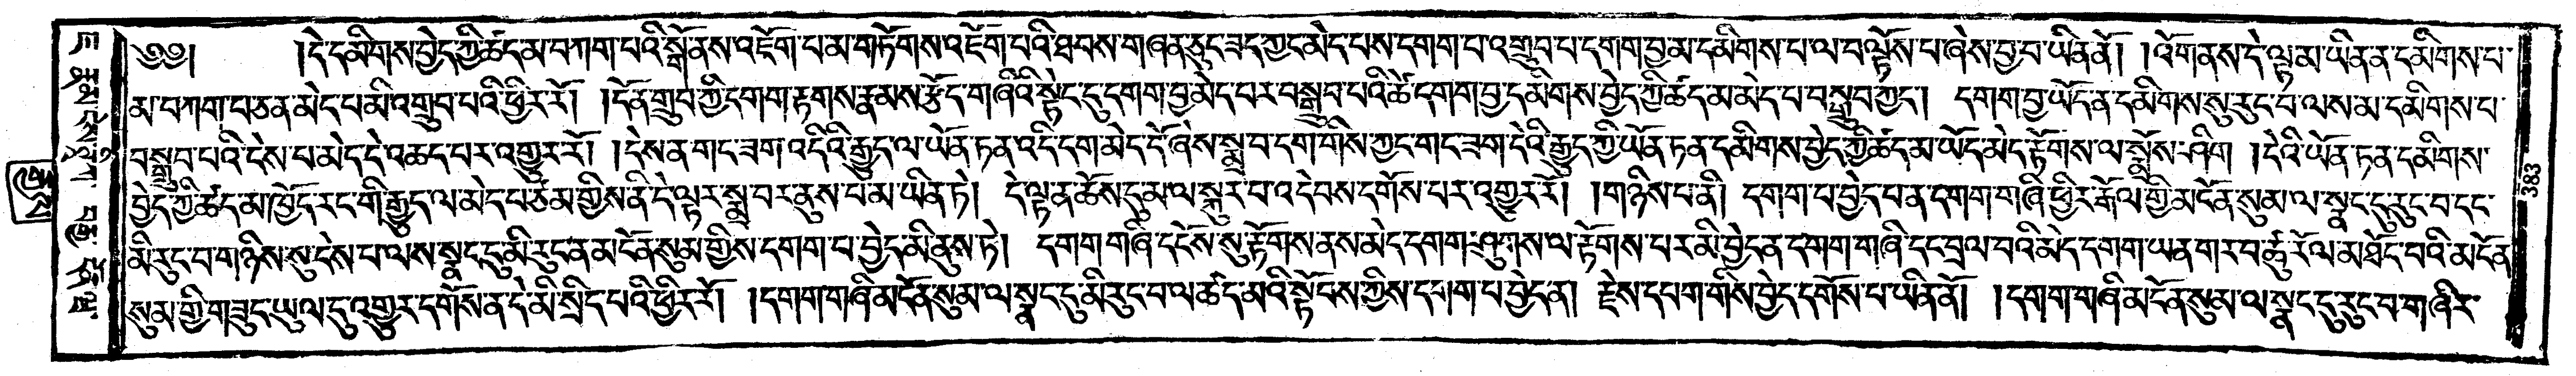༄༅། །དེ་དམིགས་བྱེད་ཀྱི་ཚད་མ་བཀག་པའི་སྒོ་ནས་འཇོག་པ་མ་གཏོགས་འཇོག་པའི་ཐབས་གཞན་ཅུང་ཟད་ཀྱང་མེད་པས་དགག་པ་འགྲུབ་པ་དགག་བྱ་མ་དམིགས་པ་ལ་བལྟོས་པ་ཞེས་བྱ་བ་ཡིན་ནོ། །འོག་ནས་དེ་ལྟ་མ་ཡིན་ན་དམིགས་པ་
མ་བཀག་པ་ཅན་མེད་པ་མི་འགྲུབ་པའི་ཕྱིར་རོ། །དོན་གྲུབ་ཀྱི་དགག་རྟགས་རྣམས་རྩོད་གཞིའི་སྟེང་དུ་དགག་བྱ་མེད་པར་བསྒྲུབ་པའི་ཚེ་དགག་བྱ་དམིགས་བྱེད་ཀྱི་ཚད་མ་མེད་པ་བསྒྲུབ་ཀྱང་། དགག་བྱ་ཡོད་ན་དམིགས་སུ་རུང་བ་ལས་མ་དམིགས་པ་
བསྒྲུབ་པའི་ངེས་པ་མེད་དེ་འཆད་པར་འགྱུར་རོ། །དེས་ན་གང་ཟག་འདིའི་རྒྱུད་ལ་ཡོན་ཏན་འདི་དག་མེད་དོ་ཞེས་སྨྲ་བ་དག་གིས་ཀྱང་གང་ཟག་དེའི་རྒྱུད་ཀྱི་ཡོན་ཏན་དམིགས་བྱེད་ཀྱི་ཚད་མ་ཡོད་མེད་རྟོགས་ལ་སྨྲོས་ཤིག །དེའི་ཡོན་ཏན་དམིགས་
བྱེད་ཀྱི་ཚད་མ་ཁྱོད་རང་གི་རྒྱུད་ལ་མེད་པ་ཙམ་གྱིས་ནི་དེ་ལྟར་སྨྲ་བར་ནུས་པ་མ་ཡིན་ཏེ། དེ་ལྟ་ན་ཆོས་དུ་མ་ལ་སྐུར་བ་འདེབས་དགོས་པར་འགྱུར་རོ། །གཉིས་པ་ནི། དགག་པ་བྱེད་པ་ན་དགག་གཞི་ཕྱིར་རྒོལ་གྱི་མངོན་སུམ་ལ་སྣང་དུ་རུང་བ་དང་
མི་རུང་བ་གཉིས་སུ་ངེས་པ་ལས་སྣང་དུ་མི་རུང་ན་མངོན་སུམ་གྱིས་དགག་པ་བྱེད་མི་ནུས་ཏེ། དགག་གཞི་དངོས་སུ་རྟོགས་ནས་མེད་དགག་ཤུགས་ལ་རྟོགས་པར་མི་བྱེད་ན་དགག་གཞི་དང་བྲལ་བའི་མེད་དགག་ཡན་གར་བ་ཚུ་རོལ་མཐོང་བའི་མངོན་
སུམ་གྱི་གཟུང་ཡུལ་དུ་འགྱུར་དགོས་ན་དེ་མི་སྲིད་པའི་ཕྱིར་རོ། །དགག་གཞི་མངོན་སུམ་ལ་སྣང་དུ་མི་རུང་བ་ལ་ཚད་མའི་སྟོབས་ཀྱིས་དགག་པ་བྱེད་ན། རྗེས་དཔག་གིས་བྱེད་དགོས་པ་ཡིན་ནོ། །དགག་གཞི་མངོན་སུམ་ལ་སྣང་དུ་རུང་བ་གཞིར་